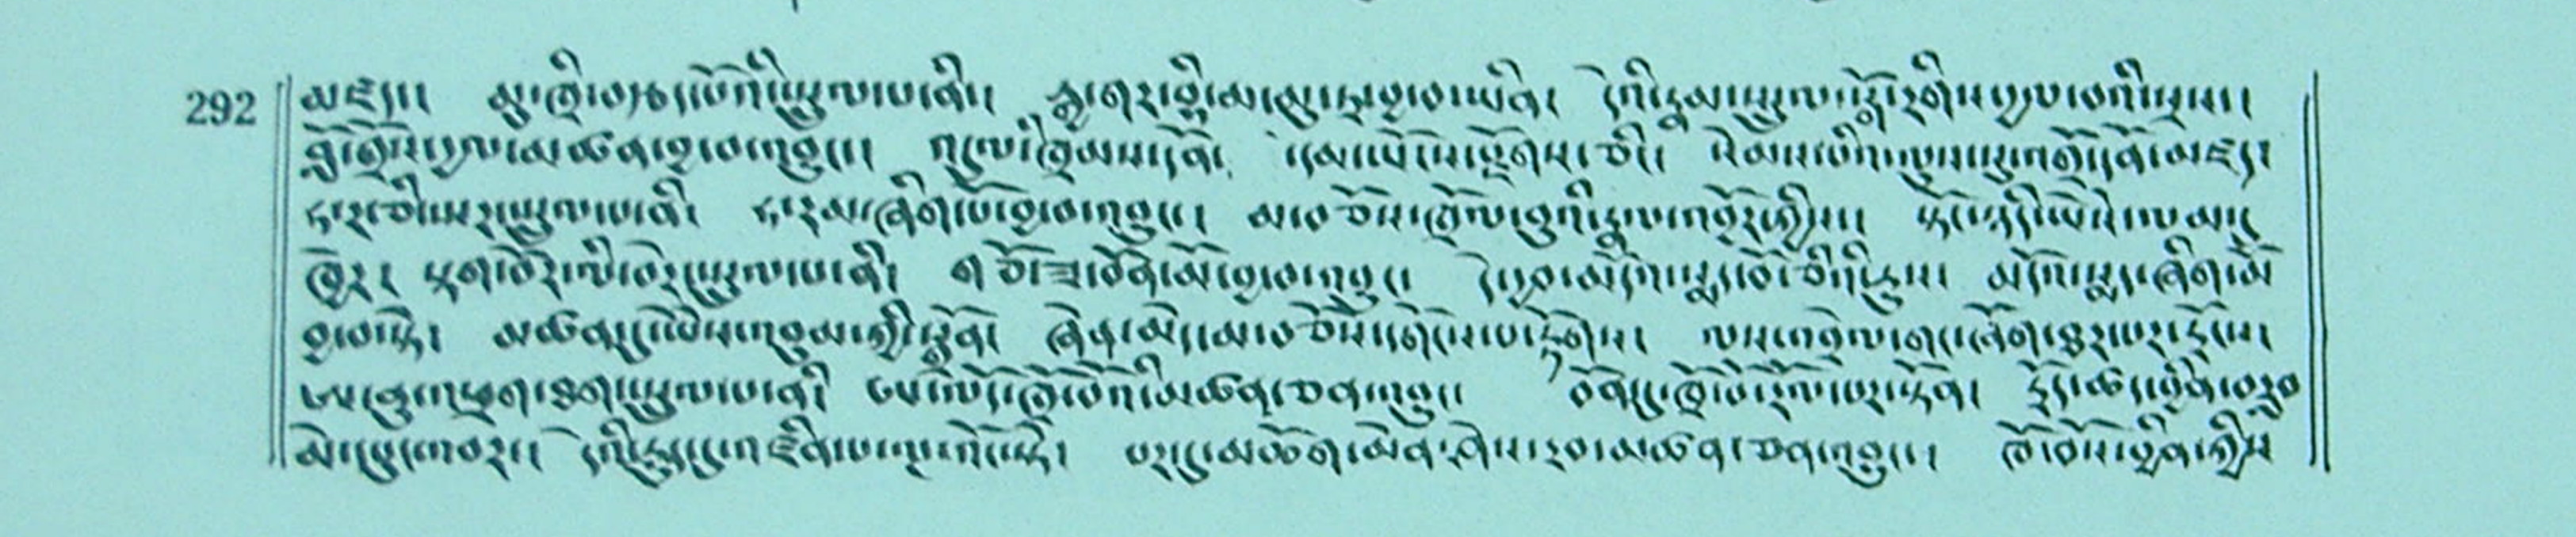མཛད། མུ་ཁྲི་བཙན་པོའི་སྤྲུལ་པ་ནི། རྒྱ་གར་བྷི་མ་མུ་ཏྲ་བྱ་བ་ཡིན། དེའི་རྣམ་སྤྲུལ་སྒོ་རིགས་རྒྱལ་བའི་སྲས། 
བློ་གྲོས་རྒྱལ་མཚན་བྱ་བ་འབྱུང་། འདུལ་ཁྲིམས་དོན་དམ་ཡོངས་སུ་རྫོགས། སེམས་དཔའི་ལུས་སུ་འགྲོ་དོན་མཛད། 
ཧ་ར་ཅི་པར་སྤྲུལ་པ་ནི། ཧ་རམ་ཞིག་པོ་བྱ་བ་འབྱུང་། མ་བཅོས་ཁྲོལ་བུའི་རྣལ་འབྱོར་གྱིས། སྟོང་ཉིད་ཡེ་ཤེས་ལམ་དུ་
ཁྱེར། སྟག་བོར་ལི་བེར་སྤྲུལ་པ་ནི། གཅོ་ཟ་བོན་མོ་བྱ་བ་འབྱུང་། དེ་རྒྱབ་མདོ་སྨད་བོ་ཅིའི་རིགས། མདོ་སྨད་ཞིག་མོ་
བྱ་བ་སྟེ། མཚན་དུ་ཡེ་ཤེས་འབུམ་གྱི་སྒྲོན། ཞེན་མེད་མ་བཅོས་དགོངས་པ་རྟོགས། ལས་འབྲེལ་གང་ཞོག་ཐར་བར་དྲོངས། 
ཨ་ནུ་འཕྲག་ཐག་སྤྲུལ་པ་ནི། ཨ་ལོད་ཁྲོ་བོའི་མཚན་ཅན་འབྱུང་། བོན་དུ་ཁྲོ་བོ་རོལ་བ་སྟོན། དྲོད་ཚད་བྱིན་རླབས་
མེ་དཔུང་འབར། དེའི་རྒྱུད་དུ་འཛིན་པ་ལྔ་འོང་སྟེ། བར་དུ་མཆོག་མིན་ཤེས་རབ་མཚན་ཅན་འབྱུང་། ཁོ་བོས་བྱིན་གྱིས་